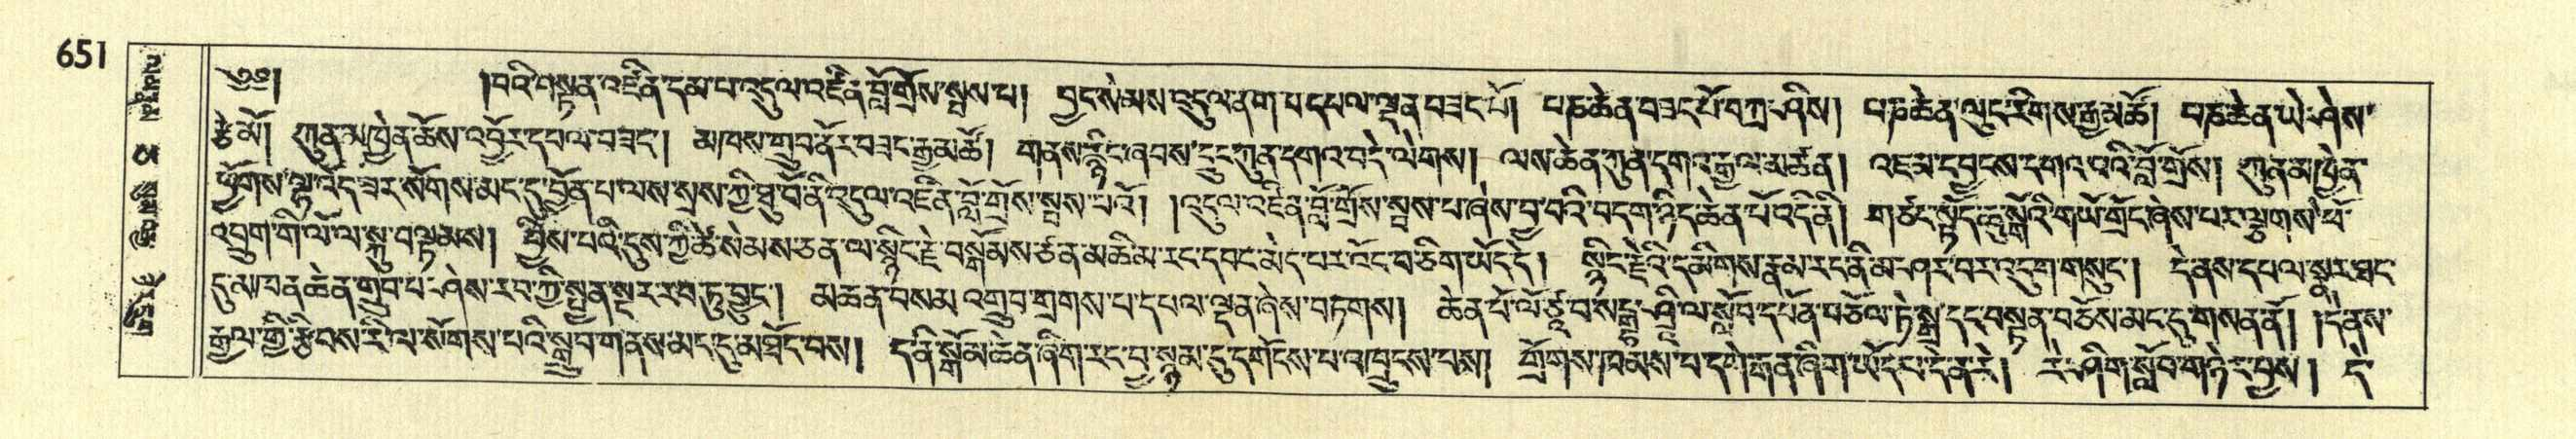༄༅། །བའི་བསྟན་འཛིན་དམ་པ་འདུལ་འཛིན་བློ་གྲོས་སྦས་པ། བྱང་སེམས་འདུལ་ནག་པ་དཔལ་ལྡན་བཟང་པོ། པཎ་ཆེན་བཟང་པོ་བཀྲ་ཤིས། པཎ་ཆེན་ལུང་རིགས་རྒྱ་མཚོ། པཎ་ཆེན་ཡེ་ཤེས་
རྩེ་མོ། ཀུན་མཁྱེན་ཆོས་འབྱོར་དཔལ་བཟང་། མཁས་གྲུབ་ནོར་བཟང་རྒྱ་མཚོ། གནས་རྙིང་ཞབས་དྲུང་ཀུན་དགའ་བདེ་ལེགས། ལས་ཆེན་ཀུན་དགའ་རྒྱལ་མཚན། འཇམ་དབྱངས་དགའ་བའི་བློ་གྲོས། ཀུན་མཁྱེན་
ཕྱོགས་ལྷ་འོད་ཟར་སོགས་མང་དུ་བྱོན་པ་ལས་སྲས་ཀྱི་ཐུ་བོ་ནི་འདུལ་འཛིན་བློ་གྲོས་སྤས་པའོ། །འདུལ་འཛིན་བློ་གྲོས་སྦས་པ་ཞེས་བྱ་བའི་བདག་ཉིད་ཆེན་པོ་འདི་ནི། གཙང་སྟོད་ཆུ་སྒོའི་གཡོ་གྲོང་ཞེས་པར་ལྕགས་ཕོ་
འབྲུག་གི་ལོ་ལ་སྐུ་བལྟམས། བྱིས་པའི་དུས་ཀྱི་ཚེ་སེམས་ཅན་ལ་སྙིང་རྗེ་བསྒོམས་ཙ་ན་མཆི་མ་རང་དབང་མེད་པར་འོང་བ་ཅིག་ཡོད་དེ། སྙིང་རྗེའི་དམིགས་རྣམ་རང་ནི་མ་ཤར་བར་འདུག་གསུང་། དེ་ནས་དཔལ་སྣར་ཐང་
དུ་མཁན་ཆེན་གྲུབ་པ་ཤེས་རབ་ཀྱི་སྤྱན་སྔར་རབ་ཏུ་བྱུང་། མཆན་བསམ་འགྲུབ་གྲགས་པ་དཔལ་ལྡན་ཞེས་བཏགས། ཆེན་པོ་ལོ་ཙཱ་བ་སངྒྷ་ཤྲཱི་ལ་སློབ་དཔོན་བཅོལ་ཏེ་སྒྲ་དང་བསྟན་བཅོས་མང་དུ་གསན་ནོ། །དེ་ནས་
རྒྱལ་གྱི་རྩིབས་རི་ལ་སོགས་པའི་སྒྲུབ་གནས་མང་དུ་མཐོང་བས། ད་ནི་སྒོམ་ཆེན་ཞིག་རང་བྱ་སྙམ་དུ་དགོངས་པ་འཁྲུངས་པས། གྲོགས་ཁམས་བ་དགེ་རྒན་ཞིག་ཡོད་པ་དེ་ན་རེ། རེ་ཤིག་སློབ་གཉེར་བྱས། དེ་